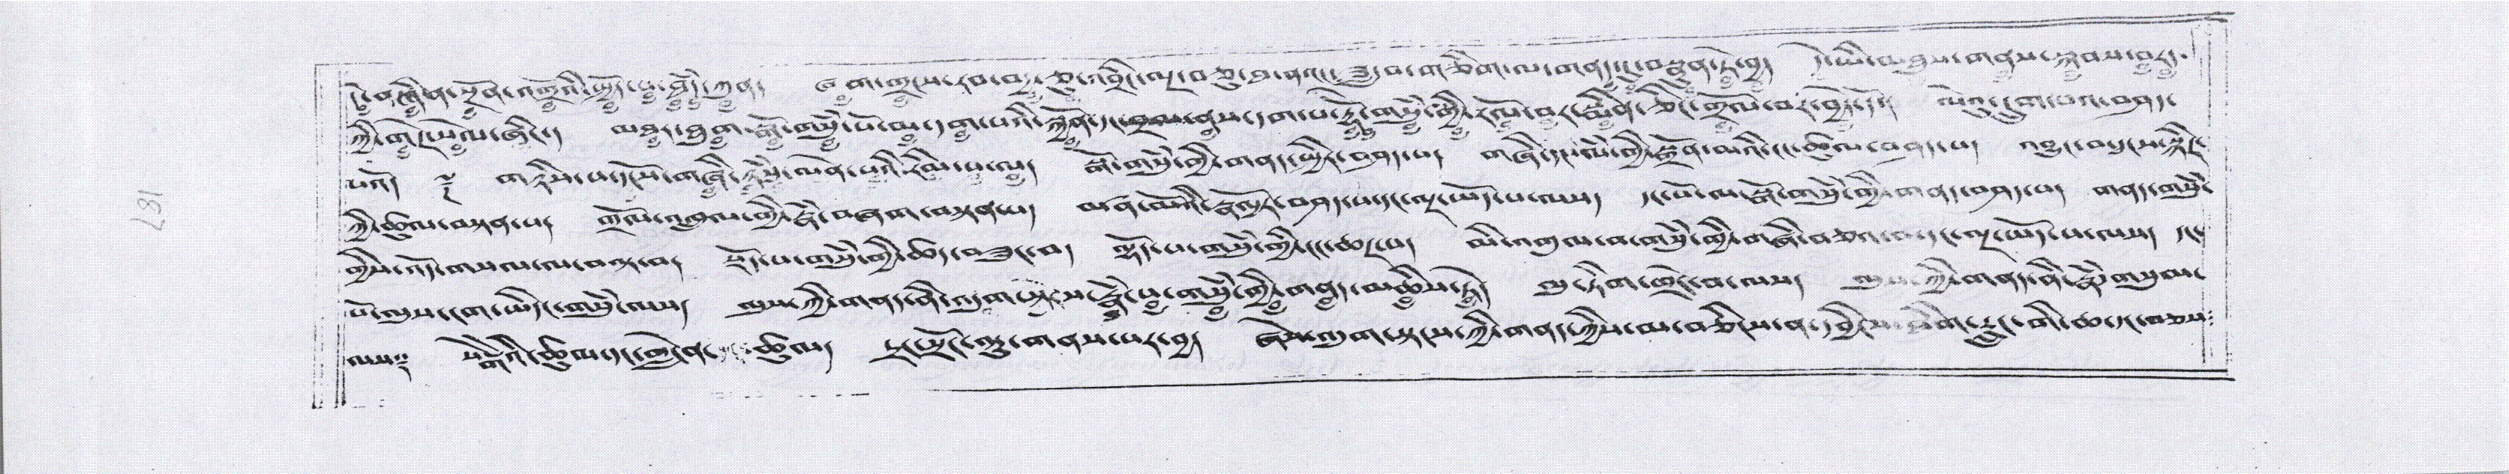དེ་བཞིན་སྔོན་འགྲོའི་སྤྱོད་པ་ཐམས་ཅད་ཀུན། ཞག་གྲངས་རབ་བརྒྱད་ཅུ། འབྲིང་ལྔ་བཅུ། ཐ་ནའང་ཟླ་བ་གཅིག་ལ་གནད་དུ་བསྣུན་ནས་བྱ། དེ་ཡིས་མཐུས་གནས་སྐབས་བར་ཆད་
ཀྱི་གེགས་སེལ་ཞིང་། མཐར་ཐུག་སྒོ་གསུམ་པོ་མ་དག་པའི་སྐྱོན་དང་བྲལ་ནས་དག་པ་རྡོ་རྗེ་གསུམ་གྱི་རོལ་པར་སྨིན་ཅིང་གྲོལ་བར་བྱེད་དོ། ལེའུ་དྲུག་པའང་བཤད་
པའོ། །གཉིས་པ་དངོས་གཞི་ཉམས་སུ་ལེན་པའི་རིམ་པ་ལ། སྒོ་གསུམ་གྱི་གནད་སྤྱིར་བཤད་པ། གཞི་དང་ལམ་གྱི་སྒྲོན་མེའི་ངང་ཚུལ་བཤད་པ། འབྱུང་བ་དུ་ས་སྙིང་རིགས་
ཀྱི་ཚུལ་བསྟན་པ། གྲོལ་འཁྲུལ་གྱི་རྣམ་བཞག་བསྟན་པ། མན་མོའི་རྣལ་འབྱོར་བཤད་པ་དང་ལྔ་ཡོད་པ་ལས། དང་པོ་སྒོ་གསུམ་གྱི་གདན་བཤད་པ། གནད་གསུམ་
གྱིས་འོད་གསལ་ལ་བལྟ་བ། སྡོད་པ་གསུམ་གྱིས་ཚད་བཟུང་བ། ལྷོད་པ་གསུམ་གྱིས་ངང་ཆགས་པ། མི་འགུལ་བ་གསུམ་གྱིས་གཞི་བཅའ་བ་དང་ལྔ་ཡོད་པ་ལས། དང་
པོ་ལུས་ངག་ཡིད་གསུམ་ལས། ལུས་ཀྱི་གནད་ནི་འདུག་སྟངས་རྣམ་པ་གསུམ་གྱི་གནད་མཆིས་ཏེ། མུ་ཏིག་ཕྲེང་བ་ལས། ལུས་ཀྱི་གནད་ནི་རྣམ་གསུམ་
ལས། སེང་གེའི་ཚུལ་དང་གླང་ཆེན་ཚུལ། དྲང་སྲོང་ལྟ་བུ་གནས་པར་བྱ། ཞེས་འདུག་སྟངས་ཀྱི་གནད་ཀྱིས་མ་བཅིངས་ན་དབྱིངས་ཐིག་རླུང་གི་ཆ་དང་བཅས་